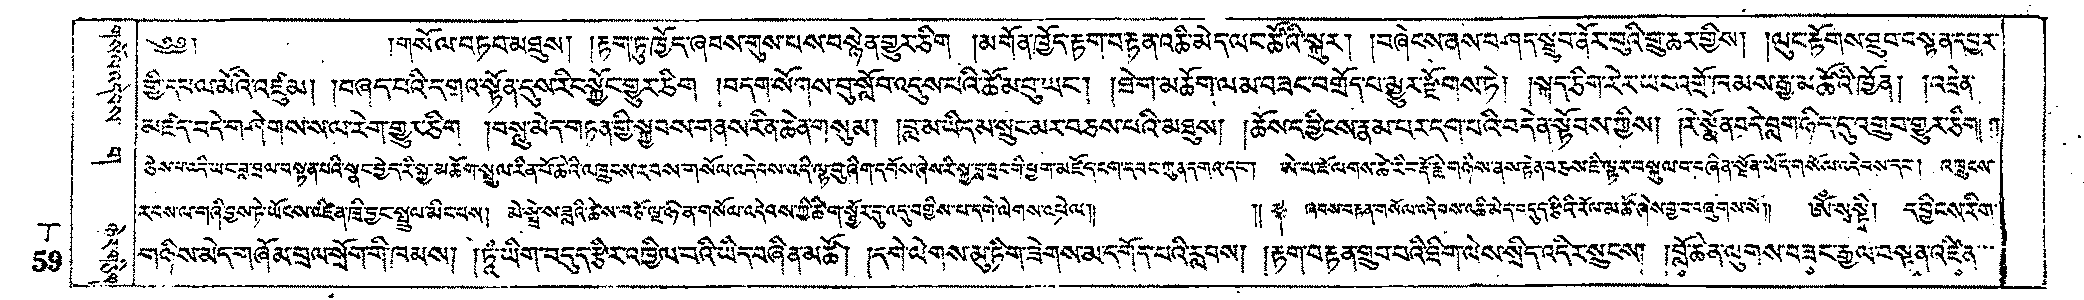༄༅། །གསོལ་བཏབ་མཐུས། །རྟག་ཏུ་ཁྱོད་ཞབས་གུས་པས་བསྙེན་གྱུར་ཅིག །མགོན་ཁྱོད་རྟག་བརྟན་འཆི་མེད་ལང་ཚོའི་སྐུར། །བཞེངས་ནས་བཤད་སྒྲུབ་ནོར་བུའི་གྲུ་ཆར་གྱིས། །ལུང་རྟོགས་ཐུབ་བསྟན་དབྱར་
གྱི་དཔལ་མོའི་འཛུམ། །བཞད་པའི་དགའ་སྟོན་དུས་རིང་སྐྱོང་གྱུར་ཅིག །བདག་སོགས་བུ་སློབ་འདུས་པའི་ཚོམ་བུ་ཡང་། །ཐེག་མཆོག་ལམ་བཟང་བགྲོད་པ་མྱུར་རྫོགས་ཏེ། །སྐད་ཅིག་རེར་ཡང་འགྲོ་ཁམས་རྒྱ་མཚོའི་ཁྱོན། །འདྲེན་
མཛད་བདེ་གཤེགས་ས་ལ་རེག་གྱུར་ཅིག །བསླུ་མེད་གཏན་གྱི་སྐྱབས་གནས་རིན་ཆེན་གསུམ། །བླ་མ་ཡིད་མ་སྲུང་མར་བཅས་པའི་མཐུས། །ཆོས་དབྱིངས་རྣམ་པར་དག་པའི་བདེན་སྟོབས་ཀྱིས། །རེ་སྨོན་བདེ་བླག་ཉིད་དུ་འགྲུབ་གྱུར་ཅིག། །
ཅེས་པ་འདི་ཡང་ཟླ་བྲལ་བསྟན་པའི་སྣང་བྱེད་རི་སྐྱ་མཆོག་སྤྲུལ་རིན་པོ་ཆེའི་འཁྲུངས་རབས་གསོལ་འདེབས་འདི་ལྟ་བུ་ཞིག་དགོས་ཞེས་རི་སྐྱ་བླ་བྲང་གི་ཕྱག་མཛོད་ངག་དབང་ཀུན་དགའ་དང་། ཨེ་པ་ཇོ་ལགས་ཚེ་རིང་རྡོ་རྗེ་གཉིས་ནས་རྟེན་བཅས་ཇི་ལྟར་བསྐུལ་བ་བཞིན་སྔོན་ཡོད་གསོལ་འདེབས་དང་། འཁྲུངས་
རབས་ལ་གཞི་བྱས་ཏེ་ཡོངས་འཛིན་ཁྲི་བྱང་སྤྲུལ་མིང་པས། །མེ་སྤྲེ་ས་ཟླའི་ཚེས་བཅོ་ལྔ་ཉིན་གསོལ་འདེབས་ཀྱི་ཚིག་སྦྱོར་དུ་འདུ་བགྱིས་པ་དགེ་ལེགས་འཕེལ།། །།འ་ཞབས་བརྟན་གསོལ་འདེབས་འཆི་མེད་བདུད་རྩིའི་རོལ་མཚོ་ཞེས་བྱ་བ་བཞུགས་སོ།། ཨོཾ་སྭསྟྭི། དབྱིངས་རིག་
གཉིས་མེད་གཞོམ་བྲལ་སྲོག་གི་ཁམས། །ཏཱཾ་ཡིག་བདུད་རྩིར་འཁྱིལ་བའི་ཡིད་བཞིན་མཚོ། །དགེ་ལེགས་མུ་ཏིག་ཟེགས་མ་དགོད་པའི་རླབས། །རྟག་བརྟན་གྲུབ་པའི་ཐིག་ལེས་སྲིད་འདིར་སྲུངས། །བློ྾་ཆེན་ལུགས་བཟང྾་རྒྱལ་བསྟན྾་འཛིན྾་་་